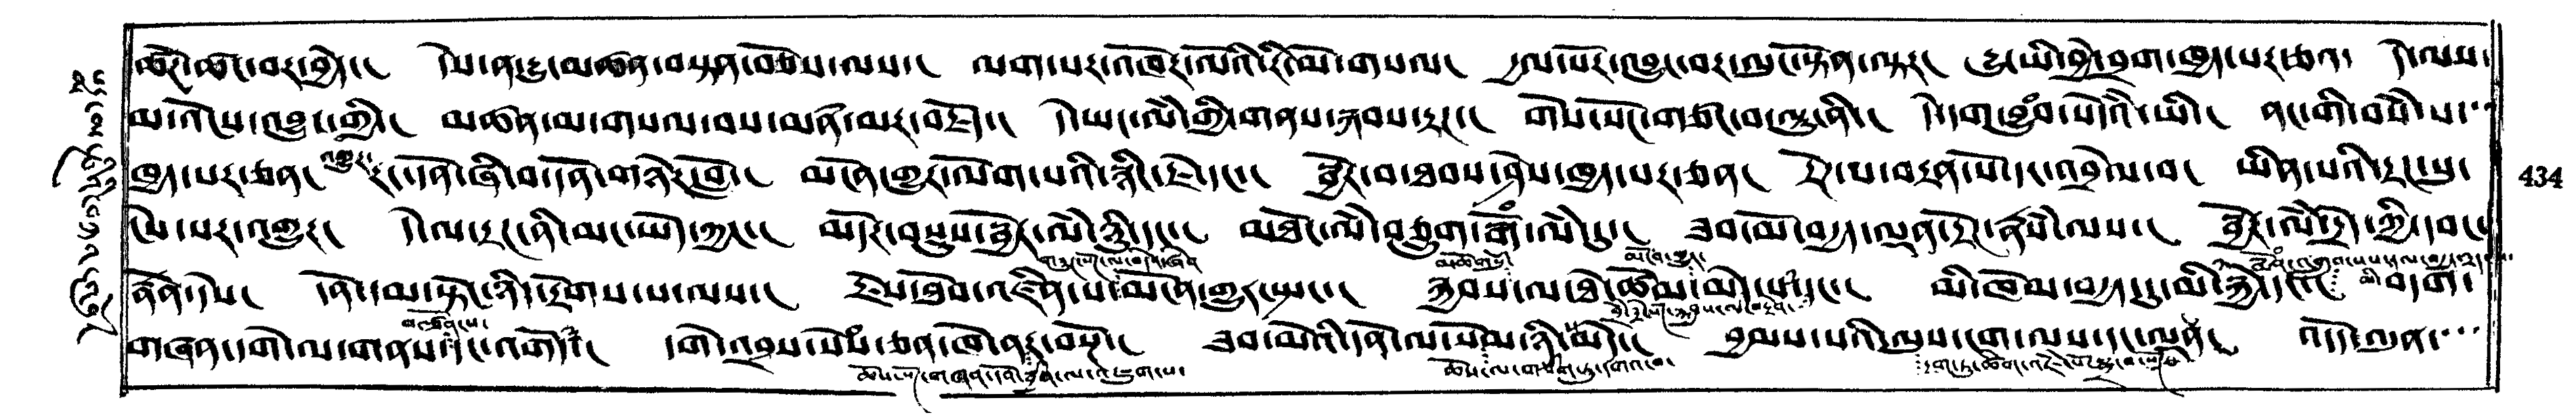ཚོགས་ཚང་བར་བྱེད། །དེས་ན་རྒྱུ་མཚན་བསྟན་བཅོས་ལས། །ལག་པར་འཁོར་ལོའི་རི་མོ་གསལ། །རྒྱལ་པོར་འབྱུང་བར་ལུང་སྟོན་ལྟར། །རྒྱུ་ཡི་བྱེ་བྲག་ཁྱད་པར་ཅན། །དེ་ལས་
མ་འོངས་འབྱུང་འགྱུར་གྱི། །མཚན་མ་གསལ་བས་མཚན་མར་བརྗོད། །དེ་ཡང་ལམ་གྱི་གནས་སྐབས་རྟགས། །གོས་སོགས་གཙང་བ་ལྟ་བུ་ནི། །དེ་དག་བྱང་ཆུབ་སེམས་དཔའ་ཡི། །ནང་གི་བསམ་པ་
ཁྱད་པར་ཅན། །རང་དོན་ཞི་བ་དོན་གཉེར་བློ། །མངོན་གྱུར་ལོག་པའི་སྙིང་རྗེ་དང་། །སྦྱོར་བ་ཐབས་ཤེས་ཁྱད་པར་ཅན། །རྟོགས་པ་བརྟན་པོ་དང་འབྲེལ་བ། །ཡིན་པའི་རྟགས་སུ་
ངེས་པར་འགྱུར། །དེ་ལ་རྟགས་ནི་མང་ཡོད་ཀྱང་། །མདོར་བསྡུས་སྦྱོར་ལམ་ཉི་ཤུ་དང་། །མཐོང་ལམ་བཅུ་དྲུག་སྒོམ་ལམ་དུ། །ཟབ་མོ་བརྒྱད་ལྡན་རྟོགས་རྣམས་ལས། །སྦྱོར་ལམ་དྲོད་ཀྱི་དབང་
རྣོན་དེས། །དོན་དམ་སྟོང་ཉིད་རྟོགས་པ་ལས། །རྗེས་ཐོབ་འཛིན་པ་གཟུགས་སོགས་ལ་བདེན་ཞེན་མངོན་གྱུར་སྤང་། །སྐྱབས་མཆོག་གསུམ་ལ་ཐེ་ཚོམ་མངོན་གྱུར་མེད་པ་བྲམ་ཟེ་སོགས་སྐྱབས་མི་བསྟེན། དང་། ། མི་ཁོམ་བརྒྱད་དུ་མི་སྐྱེ་དང་།། སྨོན་ལམ་འགྲུབ་པས་མི་དལ་བརྒྱད་ཟད་པ། བདག་
གཞན་དགེ་ལ་གནས་བརྩོན་པ་དང་འགོད། །དགེ་འབྲས་སེམས་ཅན་ཁོ་ནར་ཆོས་སོགས་གཞན་དོན་སྦྱིན་ལ་འཇུག་པ་བསྔོ་། །ཟབ་མོའི་དོན་ལ་སོམ་ཆོས་ལ་གཅིག་ཏུ་དགའ་བ་ཉི་མེད། །བྱམས་པའི་ལུས་ངག་ངག་ཏུ་ཚིག་འཇམ་པོ་སྨྲ་བ་སོགས་ལས་དང་ལྡན། །འདོད་འདུན་